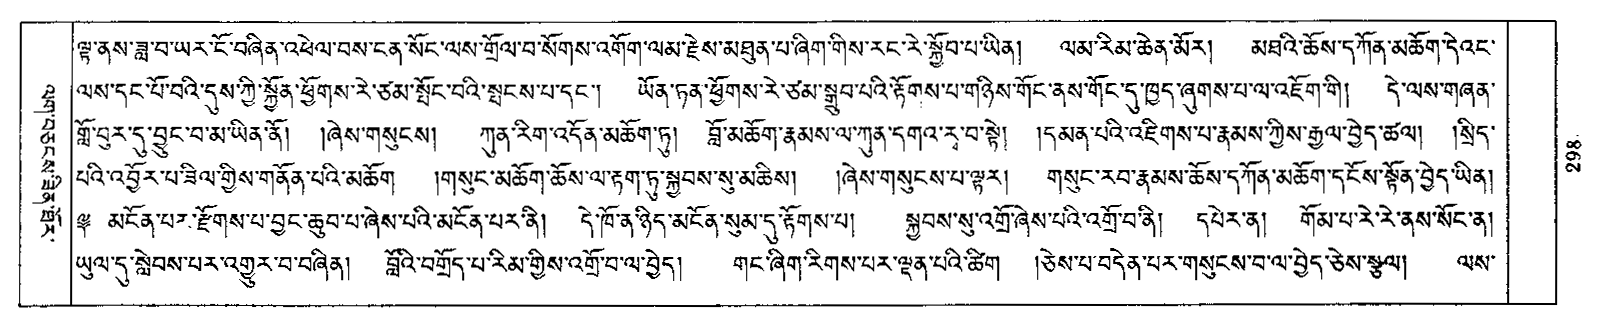ལྟ་ནས་ཟླ་བ་ཡར་ངོ་བཞིན་འཕེལ་བས་ངན་སོང་ལས་གྲོལ་བ་སོགས་འགོག་ལམ་རྗེས་མཐུན་པ་ཞིག་གིས་རང་རེ་སྐྱོབ་པ་ཡིན། ལམ་རིམ་ཆེན་མོར། མཐའི་ཆོས་དཀོན་མཆོག་དེའང་
ལས་དང་པོ་བའི་དུས་ཀྱི་སྐྱོན་ཕྱོགས་རེ་ཙམ་སྤོང་བའི་སྤངས་པ་དང་། ཡོན་ཏན་ཕྱོགས་རེ་ཙམ་སྒྲུབ་པའི་རྟོགས་པ་གཉིས་གོང་ནས་གོང་དུ་ཁྱད་ཞུགས་པ་ལ་འཇོག་གི། དེ་ལས་གཞན་
གློ་བུར་དུ་བྱུང་བ་མ་ཡིན་ནོ། །ཞེས་གསུངས། ཀུན་རིག་འདོན་མཆོག་ཏུ། བློ་མཆོག་རྣམས་ལ་ཀུན་དགའ་རྭ་བ་སྟེ། །དམན་པའི་འཇིགས་པ་རྣམས་ཀྱིས་རྒྱལ་བྱེད་ཚལ། །སྲིད་
པའི་འབྱོར་པ་ཟིལ་གྱིས་གནོན་པའི་མཆོག །གསུང་མཆོག་ཆོས་ལ་རྟག་ཏུ་སྐྱབས་སུ་མཆིས། །ཞེས་གསུངས་པ་ལྟར། གསུང་རབ་རྣམས་ཆོས་དཀོན་མཆོག་དངོས་སྟོན་བྱེད་ཡིན།
༈ མངོན་པར་རྫོགས་པ་བྱང་ཆུབ་པ་ཞེས་པའི་མངོན་པར་ནི། དེ་ཁོ་ན་ཉིད་མངོན་སུམ་དུ་རྟོགས་པ། སྐྱབས་སུ་འགྲོ་ཞེས་པའི་འགྲོ་བ་ནི། དཔེར་ན། གོམ་པ་རེ་རེ་ནས་སོང་ན།
ཡུལ་དུ་སླེབས་པར་འགྱུར་བ་བཞིན། བློའི་བགྲོད་པ་རིམ་གྱིས་འགྲོ་བ་ལ་བྱེད། གང་ཞིག་རིགས་པར་ལྡན་པའི་ཚིག །ཅེས་པ་བདེན་པར་གསུངས་བ་ལ་བྱེད་ཅེས་སྩལ། ལས་